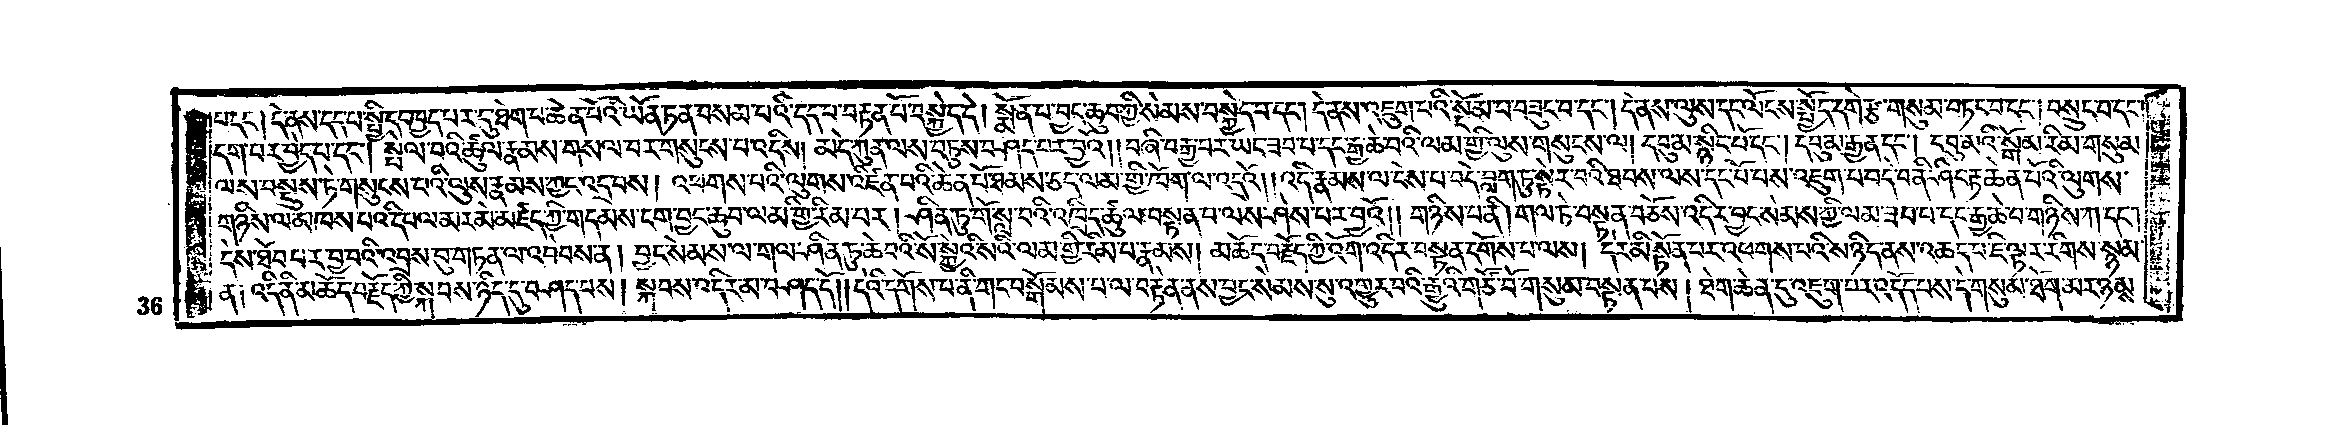དང་། དེ་ནས་དད་པ་སྤྱི་དང་ཁྱད་པར་དུ་ཐེག་པ་ཆེན་པོའི་ཡོན་ཏན་བསམ་པའི་དད་པ་བརྟན་པོ་བསྐྱེད་དེ། སྨོན་པ་བྱང་ཆུབ་ཀྱི་སེམས་བསྐྱེད་པ་དང་། དེ་ནས་འཇུག་པའི་སྡོམ་པ་བཟུང་བ་དང་། དེ་ནས་ལུས་དང་ལོངས་སྤྱོད་དགེ་རྩ་གསུམ་བཏང་བ་དང་། བསྲུང་བ་དང་།
དག་པར་བྱེད་པ་དང་། སྤེལ་བའི་ཚུལ་རྣམས་གསལ་བར་གསུངས་པ་འདིས། མདོ་ཀུན་ལས་བཏུས་བཤད་པར་བྱའོ། །བཞི་བརྒྱ་པར་ཡང་ཟབ་པ་དང་རྒྱ་ཆེ་བའི་ལམ་གྱི་ལུས་གསུངས་ལ། དབུ་མ་སྙིང་པོ་དང་། དབུ་མ་རྒྱན་དང་། དབུ་མའི་སྒོམ་རིམ་གསུམ་
ལས་བསྡུས་ཏེ་གསུངས་པའི་ལུས་རྣམས་ཀྱང་འདྲ་བས། འཕགས་པའི་ལུགས་འཛིན་པའི་ཆེན་པོ་ཐམས་ཅད་ལམ་གྱི་ཁོག་ལ་འདྲའོ། །འདི་རྣམས་ལ་ངེས་པ་བདེ་བླག་ཏུ་སྟེར་བའི་ཐབས་ལས་དང་པོ་བས་འཇུག་པ་བདེ་བ་ནི་ཤིང་རྟ་ཆེན་པོའི་ལུགས་
གཉིས་ལ་མཁས་པའི་དཔལ་མར་མེ་མཛད་ཀྱི་གདམས་ངག་བྱང་ཆུབ་ལམ་གྱི་རིམ་པར། ཤིན་ཏུ་གོ་སླ་བའི་འཁྲིད་ཚུལ་བསྟན་པ་ལས་ཤེས་པར་བྱའོ། །གཉིས་པ་ནི། གལ་ཏེ་བསྟན་བཅོས་འདིར་བྱང་སེམས་ཀྱི་ལམ་ཟབ་པ་དང་རྒྱ་ཆེ་བ་གཉིས་ཀ་དང་།
དེས་ཐོབ་པར་བྱ་བའི་འབྲས་བུ་གཏན་ལ་འབེབས་ན། བྱང་སེམས་ལ་གལ་ཤིན་ཏུ་ཆེ་བའི་སོ་སྐྱེའི་སའི་ལམ་གྱི་རིམ་པ་རྣམས། མཆོད་བརྗོད་ཀྱི་འོག་འདིར་བསྟན་དགོས་པ་ལས། དེར་མི་སྟོན་པར་འཕགས་པའི་ས་ཉིད་ནས་འཆད་པ་ཇི་ལྟར་རིགས་སྙམ་
ན། འདི་ནི་མཆོད་བརྗོད་ཀྱི་སྐབས་ཉིད་དུ་བཤད་པས། སྐབས་འདིར་མ་བཤད་དོ། །དེའི་དགོས་པ་ནི་གང་བསྒོམས་པ་ལ་བརྟེན་ནས་བྱང་སེམས་སུ་འགྱུར་བའི་རྒྱུའི་གཙོ་བོ་གསུམ་བསྟན་པས། ཐེག་ཆེན་དུ་འཇུག་པར་འདོད་པས་དེ་གསུམ་ཐོག་མར་ཉམས་